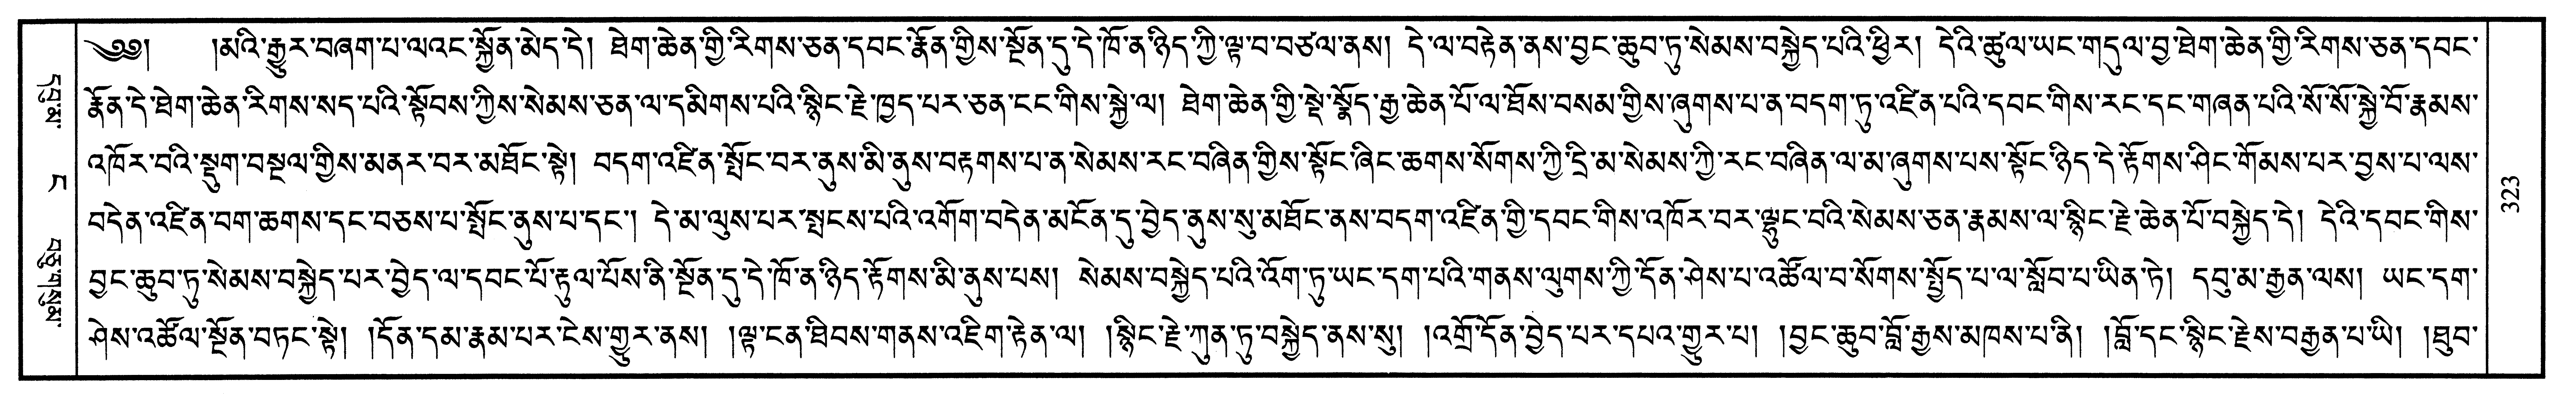༄༅། །མའི་རྒྱུར་བཞག་པ་ལའང་སྐྱོན་མེད་དེ། ཐེག་ཆེན་གྱི་རིགས་ཅན་དབང་རྣོན་གྱིས་སྔོན་དུ་དེ་ཁོ་ན་ཉིད་ཀྱི་ལྟ་བ་བཙལ་ནས། དེ་ལ་བརྟེན་ནས་བྱང་ཆུབ་ཏུ་སེམས་བསྐྱེད་པའི་ཕྱིར། དེའི་ཚུལ་ཡང་གདུལ་བྱ་ཐེག་ཆེན་གྱི་རིགས་ཅན་དབང་
རྣོན་དེ་ཐེག་ཆེན་རིགས་སད་པའི་སྟོབས་ཀྱིས་སེམས་ཅན་ལ་དམིགས་པའི་སྙིང་རྗེ་ཁྱད་པར་ཅན་ངང་གིས་སྐྱེ་ལ། ཐེག་ཆེན་གྱི་སྡེ་སྣོད་རྒྱ་ཆེན་པོ་ལ་ཐོས་བསམ་གྱིས་ཞུགས་པ་ན་བདག་ཏུ་འཛིན་པའི་དབང་གིས་རང་དང་གཞན་པའི་སོ་སོ་སྐྱེ་བོ་རྣམས་
འཁོར་བའི་སྡུག་བསྔལ་གྱིས་མནར་བར་མཐོང་སྟེ། བདག་འཛིན་སྤོང་བར་ནུས་མི་ནུས་བརྟགས་པ་ན་སེམས་རང་བཞིན་གྱིས་སྟོང་ཞིང་ཆགས་སོགས་ཀྱི་དྲི་མ་སེམས་ཀྱི་རང་བཞིན་ལ་མ་ཞུགས་པས་སྟོང་ཉིད་དེ་རྟོགས་ཤིང་གོམས་པར་བྱས་པ་ལས་
བདེན་འཛིན་བག་ཆགས་དང་བཅས་པ་སྤོང་ནུས་པ་དང་། དེ་མ་ལུས་པར་སྤངས་པའི་འགོག་བདེན་མངོན་དུ་བྱེད་ནུས་སུ་མཐོང་ནས་བདག་འཛིན་གྱི་དབང་གིས་འཁོར་བར་ལྷུང་བའི་སེམས་ཅན་རྣམས་ལ་སྙིང་རྗེ་ཆེན་པོ་བསྐྱེད་དེ། དེའི་དབང་གིས་
བྱང་ཆུབ་ཏུ་སེམས་བསྐྱེད་པར་བྱེད་ལ་དབང་པོ་རྟུལ་པོས་ནི་སྔོན་དུ་དེ་ཁོ་ན་ཉིད་རྟོགས་མི་ནུས་པས། སེམས་བསྐྱེད་པའི་འོག་ཏུ་ཡང་དག་པའི་གནས་ལུགས་ཀྱི་དོན་ཤེས་པ་འཚོལ་བ་སོགས་སྤྱོད་པ་ལ་སློབ་པ་ཡིན་ཏེ། དབུ་མ་རྒྱན་ལས། ཡང་དག་
ཤེས་འཚོལ་སྔོན་བཏང་སྟེ། །དོན་དམ་པ་རྣམ་པར་ངེས་གྱུར་ནས། །ལྟ་ངན་ཐིབས་གནས་འཇིག་རྟེན་ལ། །སྙིང་རྗེ་ཀུན་ཏུ་བསྐྱེད་ནས་སུ། །འགྲོ་དོན་བྱེད་པར་དཔའ་གྱུར་པ། །བྱང་ཆུབ་བློ་རྒྱས་མཁས་པ་ནི། །བློ་དང་སྙིང་རྗེས་བརྒྱན་པ་ཡི། །ཐུབ་